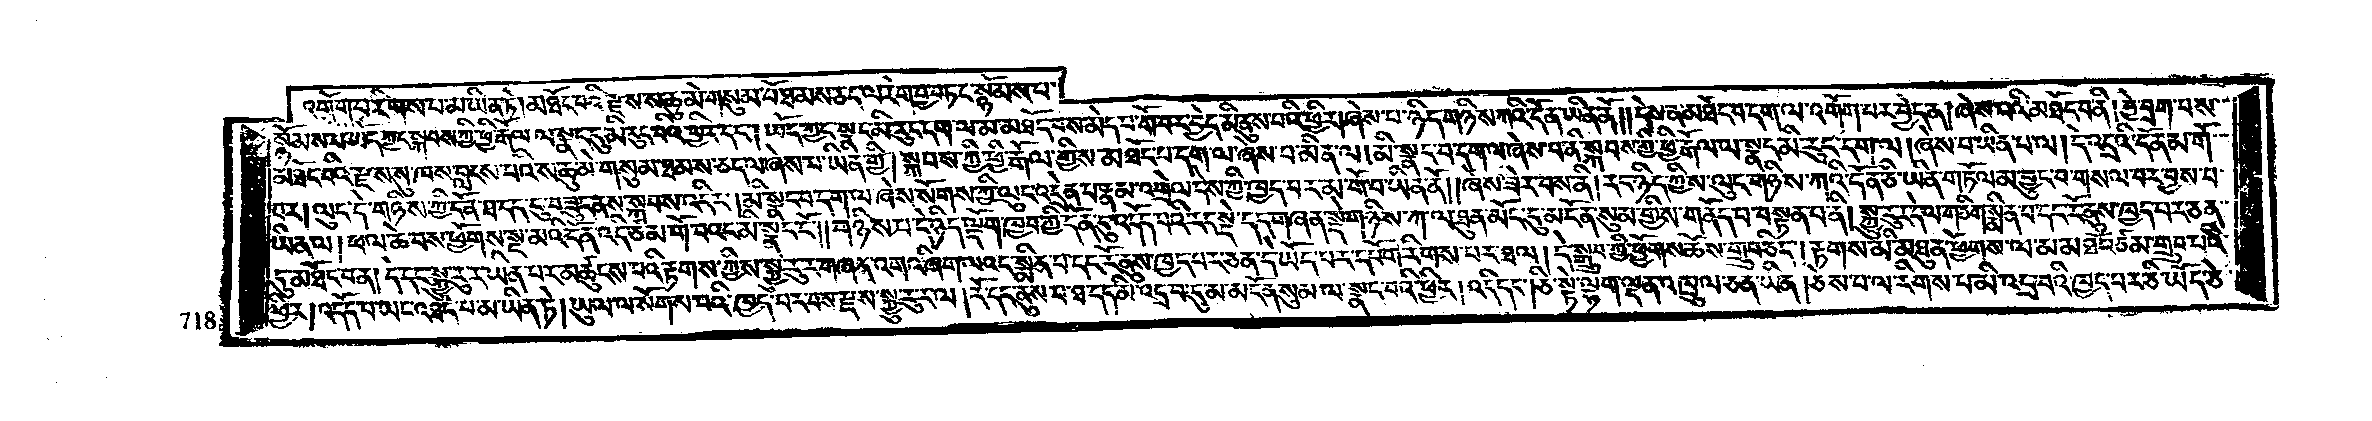འགོག་པ་རིགས་པ་མ་ཡིན་ཏེ། མཐོང་བའི་རྫས་སུ་ས་ཆུ་མེ་གསུམ་པོ་ཐམས་ཅད་ལ་རེག་བྱ་བཏང་སྙོམས་པ་ཡོད་ཀྱང་སྐབས་ཀྱི་ཕྱི་རྒོལ་ལ་སྣང་དུ་མི་རུང་བའི་ཕྱིར་དང་། ཡོད་ཀྱང་སྣང་མི་རུང་དག་ལ་མ་མཐོང་བས་མེད་པ་གོ་བར་བྱེད་མི་ནུས་པའི་ཕྱིར། ཞེས་པ་ཉིད་གཉིས་ཀའི་དོན་ཡིན་ནོ། །དེས་ན་མཐོང་བ་དག་ལ་འགོག་པར་བྱེད་ན། ཞེས་པའི་མཐོང་བ་ནི། བྱེ་བྲག་པས་
མཐོང་བའི་རྫས་སུ་ཁས་བླངས་པའི་ས་ཆུ་མེ་གསུམ་ཐམས་ཅད་ལ་ཞེས་པ་ཡིན་གྱི། སྐབས་ཀྱི་ཕྱི་རྒོལ་གྱིས་མཐོང་བ་དག་ལ་ཞེས་པ་མིན་ལ། མི་སྣང་བ་དག་ལ་ཞེས་པ་ནི་སྐབས་ཀྱི་ཕྱི་རྒོལ་ལ་སྣང་མི་རུང་དག་ལ། ཞེས་པ་ཡིན་པ་ལ། དེ་འདྲའི་དོན་མ་གོ་
བར༑ ལུང་དེ་གཉིས་ཀྱི་དོན་ཐ་དད་དུ་བཟུང་ནས་སྐབས་འདིར། མི་སྣང་བ་དག་ལ་ཞེས་སོགས་ཀྱི་ལུང་འདྲེན་པ་རྣམ་འགྲེལ་ངེས་ཀྱི་ཁྱད་པར་མ་གོ་བ་ཡིན་ནོ། །ཞེས་ཟེར་བས་ནི། རང་ཉིད་ཀྱིས་ལུང་གཉིས་ཀའི་དོན་ཅི་ཡིན་གཏོལ་མ་བྱུང་བ་གསལ་བར་བྱས་པ་
ཡིན་ལ། ཕལ་ཆེ་བས་ཕྱོགས་སྔ་མའི་དོན་འདི་ཙམ་གོ་བའང་མི་སྣང་ངོ། །གཉིས་པ་དེ་ཉིད་ལྡོག་ཁྱབ་ཀྱི་དོན་དུ་འདོད་པའི་རང་སྡེ་དང་གཞན་སྡེ་གཉིས་ཀ་ལ་ཐུན་མོང་དུ་མངོན་སུམ་གྱིས་གནོད་པ་བསྟན་པ་ནི། སྐྱུ་རུ་ར་དེ་ལ་གཅིག་སྨིན་པ་དང་རོ་ནུས་ཁྱད་པར་ཅན་
དུ་མཐོང་བ་ན། དེ་དང་སྐྱུ་རུ་ར་ཡིན་པར་མཚུངས་པའི་རྟགས་ཀྱིས་སྐྱུ་རུ་ར་གཞན་འགའ་ཞིག་ལའང་སྨིན་པ་དང་རོ་ནུས་ཁྱད་པར་ཅན་དེ་ཡོད་པར་དཔོག་རིགས་པར་ཐལ། དེ་སྒྲུབ་ཀྱི་ཕྱོགས་ཆོས་གྲུབ་ཅིང་། རྟགས་མི་མཐུན་ཕྱོགས་ལ་མ་མཐོང་ཙམ་གྲུབ་པའི་
ཕྱིར༑ འདོད་པ་ཡང་འཐད་པ་མ་ཡིན་ཏེ། ཡུལ་ལ་སོགས་པའི་ཁྱད་པར་བས་རྫས་སྐྱུ་རུ་ར་ལ། རོ་དང་ནུས་པ་ཐ་དད་མི་འདྲ་བ་དུ་མ་མངོན་སུམ་ལ་སྣང་བའི་ཕྱིར། འདི་དང་། ཅི་སྟེ་ལྷག་ལྡན་འཁྲུལ་ཅན་ཡིན། ཅེས་པ་ལ་རིགས་པ་མི་འདྲ་བའི་ཁྱད་པར་ཅི་ཡོད་ཅེ་